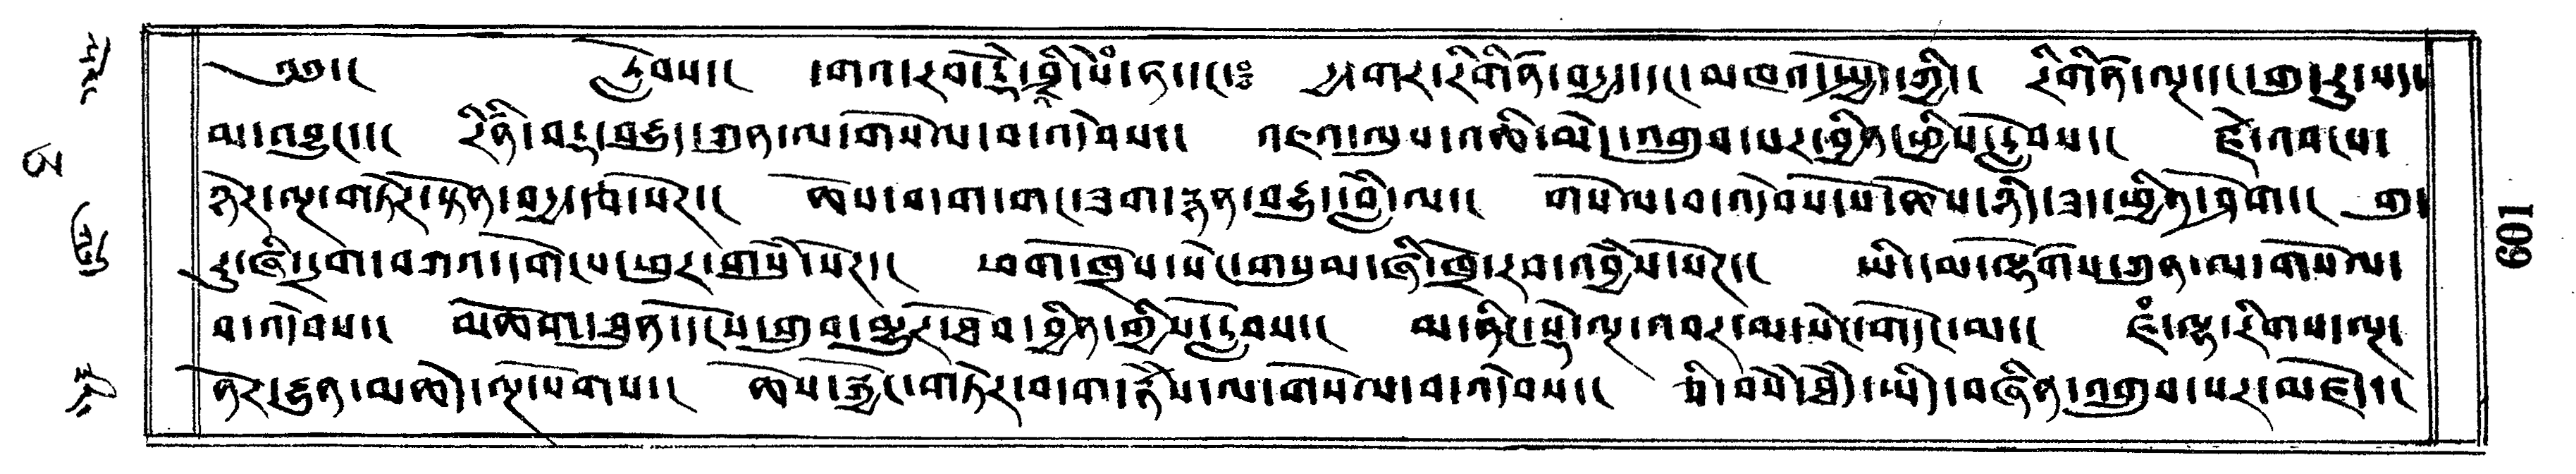རློབས། །དགའ་རབ་རྡོ་རྗེ་ཤྲཱི་སེང་ཧ་དང༔ །རྒྱ་གར་རིག་འཛིན་བརྒྱད་དང་མཁའ་སྤྱོད་ཀྱི། །རིག་འཛིན་ལྔ་དང་གུ་རུ་པད་
མ་འབྱུང་། །རིག་འཛིན་བརྡ་བརྒྱུད་ཀུན་ལ་གསོལ་བ་འདེབས། །འཇའ་ལུས་འཆི་མེད་འགྲུབ་པར་བྱིན་གྱིས་རློབས། །རྗེ་འབངས་
ཉེར་ལྔ་གཏེར་སྟོན་བརྒྱ་རྩ་སོགས། །ཆོས་བདག་གང་ཟག་སྙན་བརྒྱུད་བླ་མ་ལ། །གསོལ་བ་འདེབས་སོ་ཆོས་ཉིད་ཟད་ཕྱིན་ཤོག །གུ་
རུ་ཞི་དྲག་བཀའ་དགོངས་ཕུར་གསུམ་སོགས། །ཕག་ཁྲོས་སེང་གསུམ་ཞི་ཁྲོ་རབ་འབྱམས་སོགས། །ཡི་དམ་ལྷ་ཚོགས་ཀུན་ལ་གསོལ་
བ་འདེབས། །མཆོག་ཐུན་དངོས་གྲུབ་མྱུར་ཐོབ་བྱིན་གྱིས་རློབས། །མ་ནིང་སྡེ་ལྔ་འབར་མ་སེང་གདོང་མ། །ཛམ་ལ་རིགས་ལྔ་
ནོར་རྒྱུན་མཆེད་ལྔ་སོགས། །ཆོས་སྐྱོང་གཏེར་བདག་རྣམས་ལ་གསོལ་བ་འདེབས། །ཅི་བསམ་ཐམས་ཅད་ཡིད་བཞིན་འགྲུབ་པར་མཛོད།